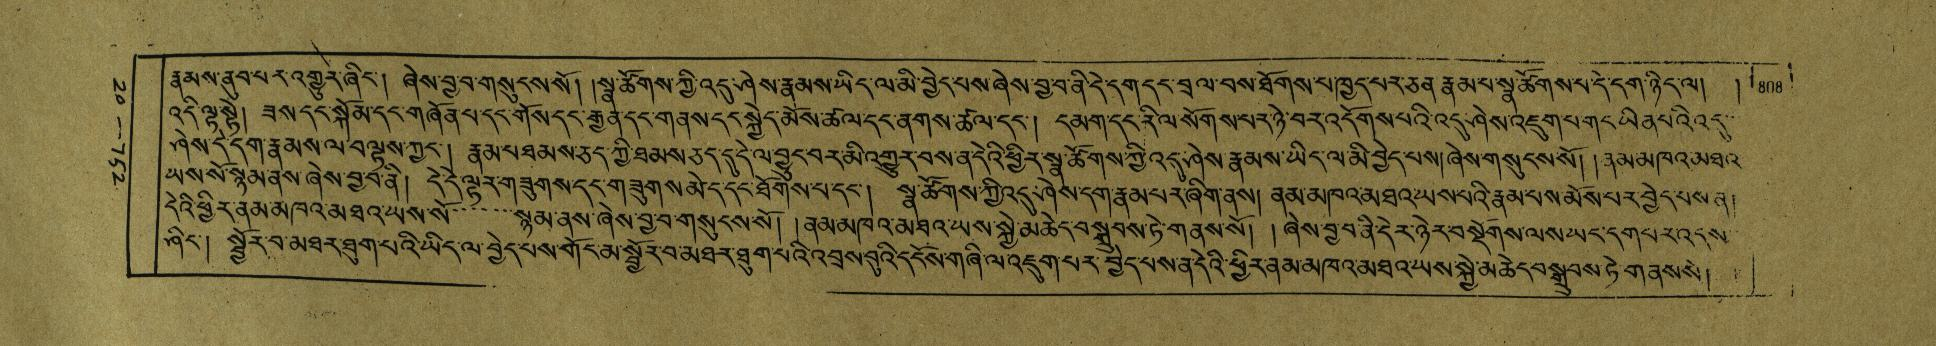རྣམས་ནུབ་པར་འགྱུར་ཞིང་། ཞེས་བྱ་བ་གསུངས་སོ། །སྣ་ཚོགས་ཀྱི་འདུ་ཤེས་རྣམས་ཡིད་ལ་མི་བྱེད་པས་ཞེས་བྱ་བ་ནི་དེ་དག་དང་བྲལ་བས་ཐོགས་པ་ཁྱད་པར་ཅན་རྣམ་པ་སྣ་ཚོགས་པ་དེ་དག་ཉིད་ལ། །
འདི་ལྟ་སྟེ། ཟས་དང་སྐོམ་དང་གཞོན་པ་དང་གོས་དང་རྒྱན་དང་གནས་དང་སྐྱེད་མོས་ཚལ་དང་ནགས་ཚལ་དང་། དམག་དང་རིལ་སོགས་པར་ཉེ་བར་འདོགས་པའི་འདུ་ཤེས་འཇུག་པ་གང་ཡིན་པའི་འདུ་
ཤེས་དེ་དག་རྣམས་ལ་བལྟས་ཀྱང་། རྣམ་པ་ཐམས་ཅད་ཀྱི་ཐམས་ཅད་དུ་དེ་ལ་བྱུང་བར་མི་འགྱུར་བས་ན་དེའི་ཕྱིར་སྣ་ཚོགས་ཀྱི་འདུ་ཤེས་རྣམས་ཡིད་ལ་མི་བྱེད་པས། ཞེས་གསུངས་སོ། །ནམ་མཁའ་མཐའ་
ཡས་སོ་སྙམ་ནས་ཞེས་བྱ་བ་ནི། དེ་དེ་ལྟར་གཟུགས་དང་གཟུགས་མེད་དང་ཐོགས་པ་དང་། སྣ་ཚོགས་ཀྱི་འདུ་ཤེས་དག་རྣམ་པར་ཞིག་ནས། ནམ་མཁའ་མཐའ་ཡས་པའི་རྣམ་པས་མོས་པར་བྱེད་པས་ན།
དེའི་ཕྱིར་ནམ་མཁའ་མཐའ་ཡས་སོ་སྙམ་ནས་ཞེས་བྱ་བ་གསུངས་སོ། །ནམ་མཁའ་མཐའ་ཡས་སྐྱེ་མཆེད་བསྒྲུབས་ཏེ་གནས་སོ། །ཞེས་བྱ་བ་ནི་དེར་ཉེར་བསྡོགས་ལས་ཡང་དག་པར་འདས་
ཤིང་། སྦྱོར་བ་མཐར་ཐུག་པའི་ཡིད་ལ་བྱེད་པས་གོང་མ་སྦྱོར་བ་མཐར་ཐུག་པའི་འབྲས་བུའི་དངོས་གཞི་ལ་འཇུག་པར་བྱེད་པས་ན་དེའི་ཕྱིར་ནམ་མཁའ་མཐའ་ཡས་སྐྱེ་མཆེད་བསྒྲུབས་ཏེ་གནས་སོ།